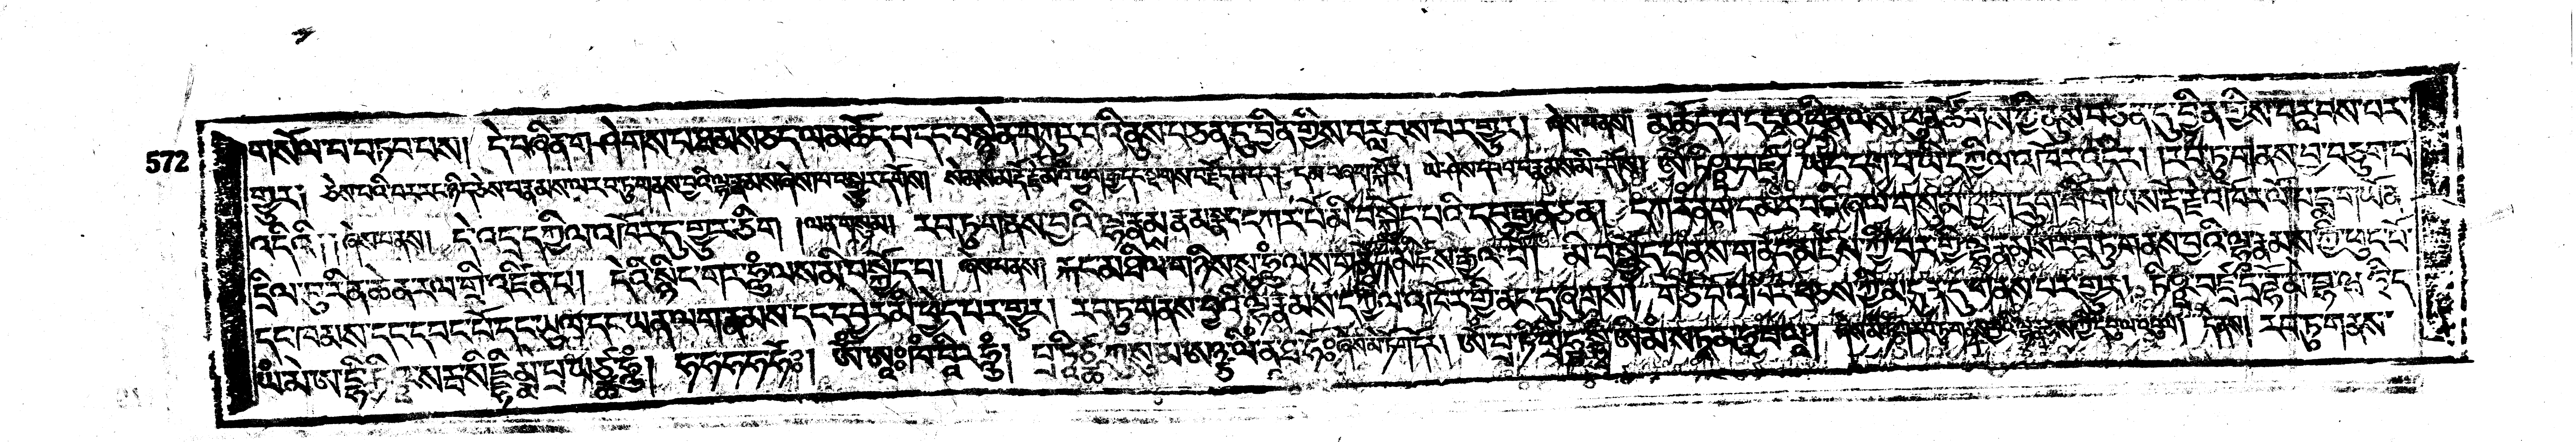གསོལ་བ་བཏབ་པས། དེ་བཞིན་གཤེགས་པ་ཐམས་ཅད་ལ་མཆོད་པ་དང་བསྙེན་བཀུར་བའི་ནུས་བ་ཅན་དུ་བྱིན་གྱིས་བརླབས་པར་གྱུར། ཞེས་པ་ནས།  མཆོད་པ་དང་འཕྲིན་ལས་ཕུན་ཚོགས་ཀྱི་ནུས་པ་ཅན་དུ་བྱིན་གྱིས་བརླབས་པར་
གྱུར། ཅེས་པའི་བར་རང་ཉིད་ཅེས་པ་རྣམས་ལ་རབ་ཏུ་གནས་བྱའི་ལྷ་རྣམས་ཞེས་ཁང་སྒྱུར་དགོས། སེམས་མ་རྡོ་རྗེ་མའི་ཕྱག་རྒྱ་དང་སྔགས་བརྗོད་པ་དང་། དམ་བཞག་སྐོར། ཡེ་ཤེས་དབབ་པ་རྣམས་མི་དགོས།  ཨོཾ་ཏིཥཊཿཨ་བཛྲ། ཡང་དག་པ་ཡི་དཀྱིལ་འཁོར་འདིར། །རབ་ཏུ་གནས་བྱ་བཅུག་པ་
འདིའི༑ །ཞེས་པ་ནས།  དེ་འདྲ་དཀྱིལ་འཁོར་དུ་གུར་ཅིག་།ལན་གསུམ།  རབ་ཏུ་གནས་བྱའི་ལྷ་རྣམས་རྣམ་སྣང་དཀར་པོ་མི་བསྐྱོད་པའི་དབུ་རྒྱན་ཅན། དཀར་ནག་དམར་པའི་ཞལ་གསུམ་ཕྱག་དྲུག་གི་གཡས་རྡོ་རྗེ་འཁོར་ལོ་པདམ་གཡོན་
དྲིལ་བུ་རིན་ཆེན་རལ་གྲི་འཛིན་པ། དེའི་སྙིང་གར་ཧཱུཾ་ལས་མི་བསྐྱོད་པ། ཞེས་པ་ནས།  རྐང་མཐིལ་གཉིས་སུ་ཧཱུཾ་ལས་གནོད་མཛེས་རྒྱལ་པོ། མི་བསྐྱོད་པ་ནས་གནོད་མཛེས་ཀྱི་བར་གྱི་ལྷ་རྣམས་རབ་ཏུ་གནས་བྱའི་ལྷ་རྣམས་ཀྱི་ཕུང་པོ་
དང་ཁམས་དང་དབང་པོ་དང་ཡུལ་དང་ཡན་ལག་རྣམས་དང་དབྱེར་མི་ཕྱེད་པར་གྱུར། རབ་ཏུ་གནས་བྱའི་ལྷ་རྣམས་དཀྱིལ་འཁོར་གྱི་ནང་དུ་ཞུགས། གཙོ་བོ་འཁོར་བཅས་ཀྱི་མདུན་དུ་གནས་པར་གྱུར། ཏིཥཊཿཨ་བཛྲ་དྲྀ་ཌྷོ་མེ་བྷ་ཝ་ཧྲི་ད་
ཡཾ་མེ་ཨ་དྷི་ཏིཥཊཿཨ་སརྦ་སིངྔྷ་མྨེ་པྲ་ཡཙྪ་ཧཱུཾ། ཧ་ཧ་ཧ་ཧ་ཧོཿ ཨོཾ་ཨཱཿཁཾ་བཱི་ར་ཧཱུཾ། པྲ་ཏཱི་ཙྪ་ཀུ་སུ་མ་ཨཉྩ་ལིཾ་ནཱ་ཐ་ཧོཿ ཞེས་མེ་ཏོག་དོར།  ཨོཾ་པྲ་ཏི་གྲིཧཎ་སྟྭཾ་ཨི་མཾ་སཏྭ་མཧཱ་བ་ལཱ། ཞེས་མེ་ཏོག་རབ་ཏུ་གནས་བྱའི་ལྷ་རྣམས་ཀྱི་དབུ་ལ་འབུལ། དེ་ནས།  རབ་ཏུ་གནས་